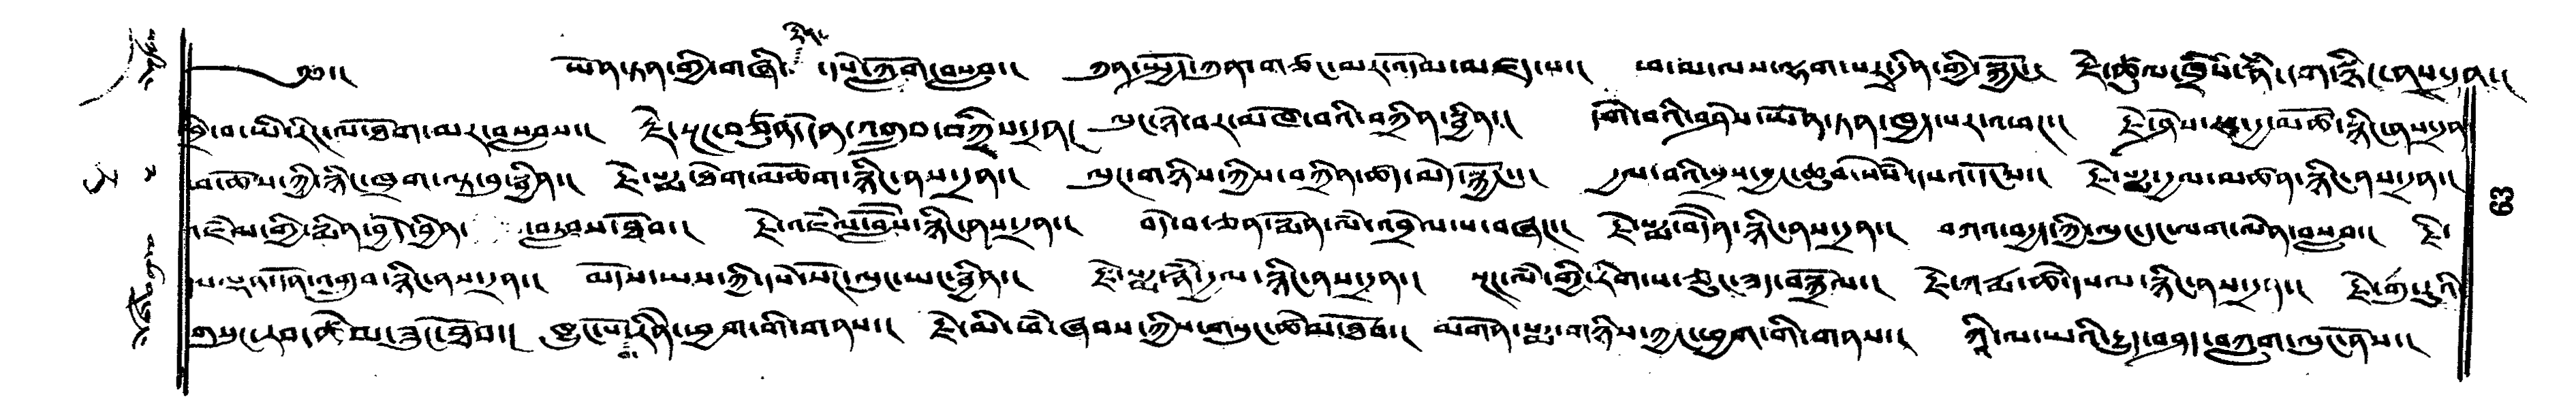།ཡོན་ཏན་གྱི་གཞི་རྟེན་དཔེ་ཀློག་བསླབས། །ཀུན་སྤྱོད་ཀུན་གཙང་མར་འདོམ་མཛད་པ། །ཕ་མ་ལས་ལྷག་པར་དྲིན་གྱི་སྐྱོང་། །རྗེ་ཚུལ་ཁྲིམས་རྣམ་དག་སྙིང་ནས་དྲན། །
གྲེ་བ་ཡི་རིགས་ལ་ཐོག་མར་བསླབས། །རྗེ་སྔགས་བཙུན་དོན་འགྲུབ་བཀྲ་ཤིས་དྲན། །ལུང་ཉེ་བར་མཁོ་བའི་བཀའ་དྲིན་བྱིན། །དགེ་བའི་བཤེས་ཡོན་ཏན་ཁྱད་པར་འཕགས། །རྗེ་ཤེས་རབ་རྒྱ་མཚོ་སྙིང་ནས་དྲན། །
ཕ་ཆོས་ཀྱི་སྙིང་ཁྲག་ལྟ་བུ་བྱིན། །རྗེ་པདྨ་ཐེག་མཆོག་སྙིང་ནས་དྲན། །ལུགས་གཉིས་ཀྱིས་བཀའ་དྲིན་ཚད་མེད་སྐྱོང་། །རྒྱལ་བའི་སྲས་བྱང་ཆུབ་སེམས་དཔའ་དངོས། །རྗེ་པདྨ་རྒྱལ་མཚན་སྙིང་ནས་དྲན། །
འཇམ་དཔལ་གྱི་སྨིན་བྱེད་བྱིན་རླབས་ཐོབ། །རྗེ་འཇམ་དཔལ་བློ་གྲོས་སྙིང་ནས་དྲན། །བདེ་བ་ཅན་སྨོན་ལམ་འབྲེལ་པ་བཞག །རྗེ་པདྨ་བདེ་ཆེན་སྙིང་ནས་དྲན། །བཀའ་བརྒྱད་ཀྱི་ལུང་དང་ལག་ལེན་བསླབས། །རྗེ་
དཔལ་ལྡན་དོན་འགྲུབ་སྙིང་ནས་དྲན། །མདོས་ཡས་ཀྱི་དཔེ་སོགས་ལུང་ཡང་བྱིན། །རྗེ་པདྨ་རྣམ་རྒྱལ་སྙིང་ནས་དྲན། །སྔགས་ལམ་གྱི་རིག་པ་ཅུང་ཟད་བཀྲལ། །རྗེ་ཀརྨ་ཚེ་དཔལ་སྙིང་ནས་དྲན། རྗེ་གུ་རུའི་
གསུང་རབ་ཚེམ་ཟུང་ཐོབ། ཁྱུང་པོ་བ་རིན་ཆེན་ཕྱག་གི་གནས། །རྗེ་མི་ཕམ་ཞབས་ཀྱིས་གསུང་ཚེམ་ཐོབ། །མགོན་པདྨ་གཉིས་ཀྱང་ཕྱག་གི་གནས། །ཀཱི་ལ་ཡའི་རྒྱུད་བཤད་བཀླག་ལུང་ནོས།